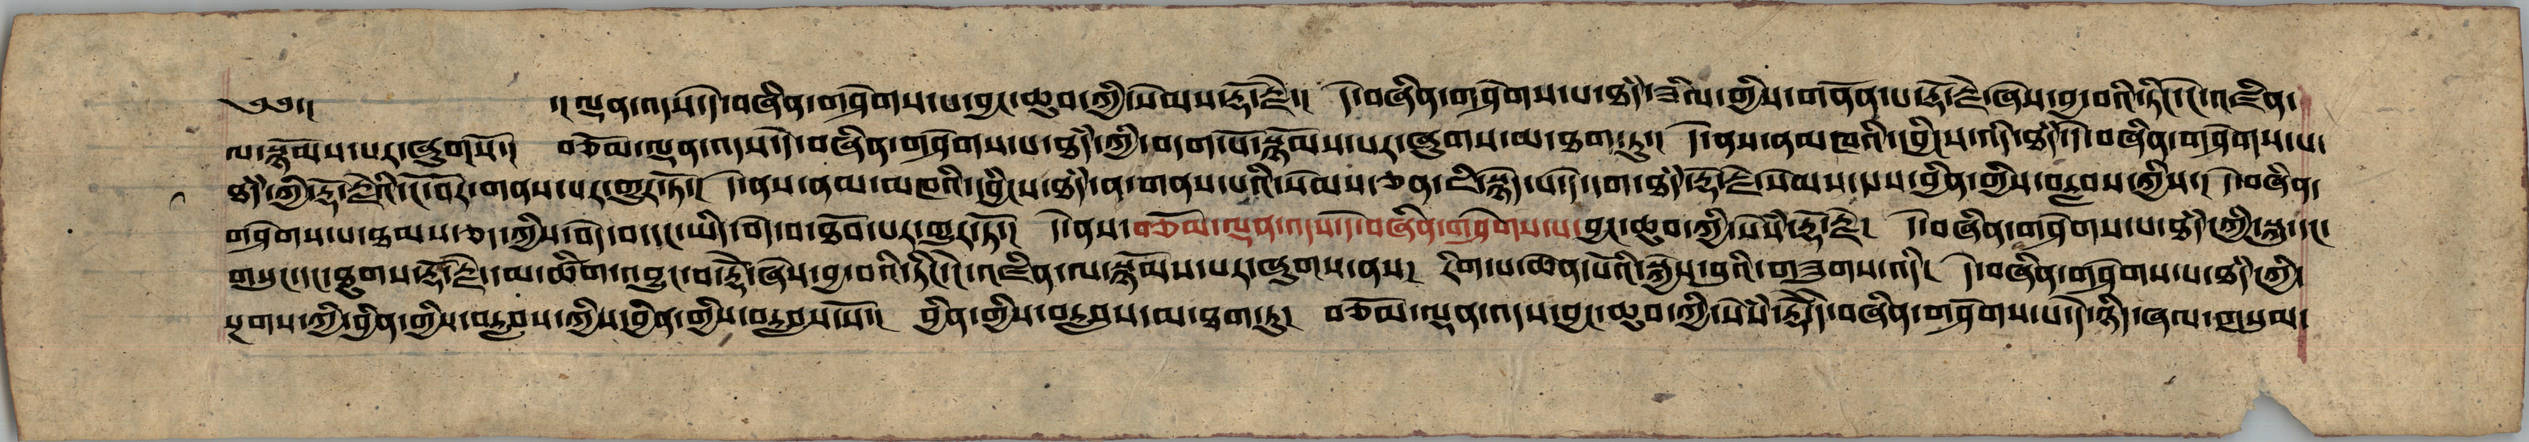༄༅་། ལྡན་འདས་དེ་བཞིན་གཤེགས་པ་བྱང་ཆུབ་ཀྱི་སེམས་རྡོ་རྗེ་། དེ་བཞིན་གཤེགས་པ་ཐཾད་ཟིལ་གྱིས་གནོན་པ་རྡོ་རྗེ་ཞེས་བྱ་བའི་ཏིང་ངེ་འཛིན་
ལ་སྙོམས་པར་ཞུགསོ་། བཅོམ་ལྡན་འདས་དེ་བཞིན་གཤེགས་པ་ཐཾད་ཀྱི་བདག་པོ་སྙོམས་པར་ཞུགས་མ་ཐག་ཏུ་། དེ་ནས་ནམ་མཁའི་དབྱིངས་འདི་ཐཾད་དེ་བཞིན་གཤེགས་པ་
ཐཾད་ཀྱི་རྡོ་རྗེའི་ངོ་བོར་གནས་པར་གྱུར་ཏོ་། དེ་ནས་ནམ་མཁའི་དབྱིངས་ཐཾད་ལ་གནས་པའི་སེམས་ཅན་ཇི་སྙེད་པ་དེ་དག་ཐཾད་རྡོ་རྗེ་སེམས་པས་བྱིན་གྱིས་བརླབས་ཀྱིས་། དེ་བཞིན་
གཤེགས་པ་ཐམས་ཅད་ཀྱིས་བདེ་བ་དང་ཡིད་བདེ་བ་ཐོབ་པར་གྱུར་ཏོ་། དེ་ནས་བཅོམ་ལྡན་འདས་དེ་བཞིན་གཤེགས་པ་བྱང་ཆུབ་ཀྱི་སེཾས་རྡོ་རྗེ། དེ་བཞིན་གཤེགས་པ་ཐཾད་ཀྱི་སྐུ་དང་
གསུང་དང་ཐུགས་རྡོ་རྗེ་དམ་ཚིག་འབྱུང་བ་རྡོེ་་ཞེས་བྱ་བའི་ཏིང་ངེ་འཛིན་ལ་སྙོམས་པར་ཞུགས་ནས་། རིག་པ་ཆེན་པོའི་སྐྱེས་བུའི་གཟུགས་འདི། དེ་བཞིན་གཤེགས་པ་ཐཾད་ཀྱི་
སྔགས་ཀྱི་བྱིན་གྱིས་བརླབས་ཀྱིས་བྱིན་གྱིས་བརླབས་སོ་། བྱིན་གྱིས་བརླབས་མ་ཐག་ཏུ། བཅོམ་ལྡན་འདས་བྱང་ཆུབ་ཀྱི་སེཾས་རྡོེ་དེ་བཞིན་གཤེགས་པ་དེ་ཉིད་ཞལ་གསུམ་